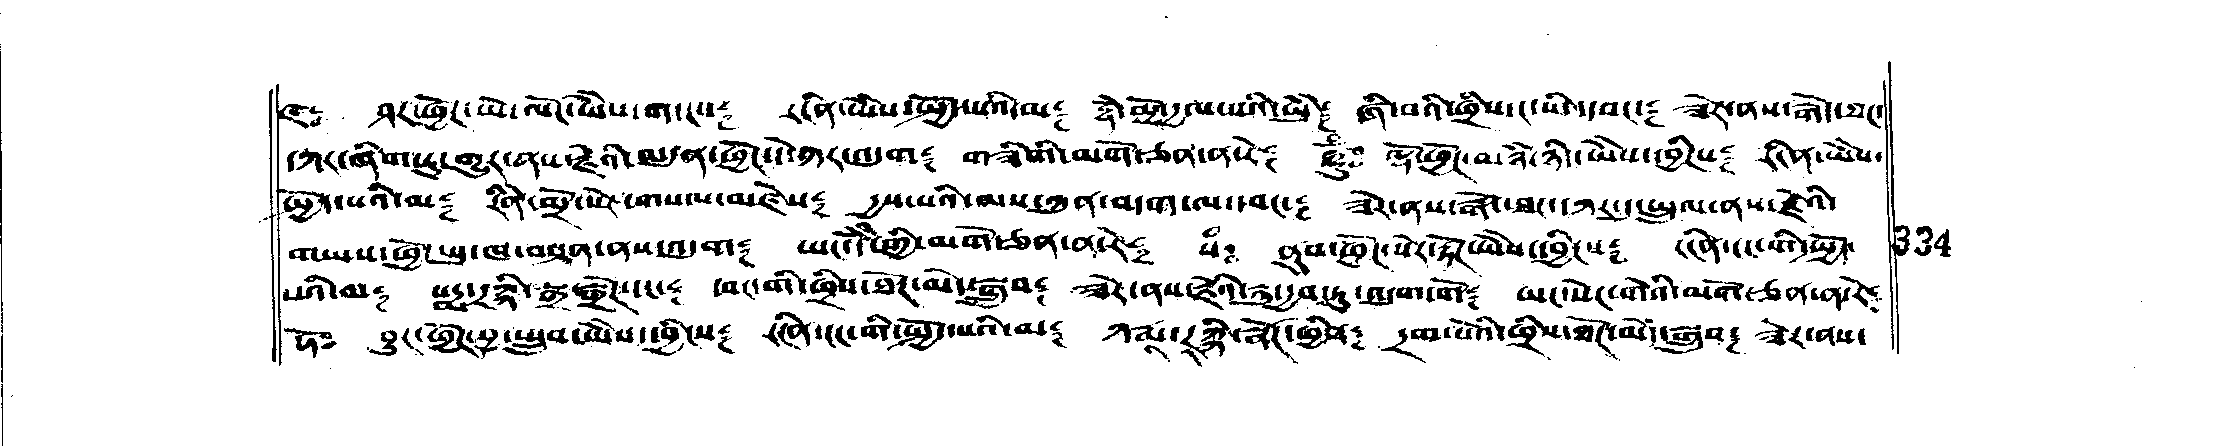ཛཿ ཤར་ཕྱོགས་མེ་ལོང་ཡེ་ཤེས་གདངས། །རང་བཞིན་ཡེ་ཤེས་སྤྱོད་པའི་མ། །རྡོ་རྗེ་མཁའ་འགྲོ་རྒྱལ་བའི་ཡུམ། །ཞི་བའི་ཕྲིན་ལས་ང་ཡི་དབང་། །ཟེར་ནས་རྒོད་ཐང་
དཀར་ཞིག་ཏུ་གྱུར་ནས་རྗེའི་མདུན་ཕྱོགས་དེ་ཀར་འདུག གཟིག་གི་མགོ་ཅན་ན་རེ། ཧཱུྃཿ ལྷོ་ཕྱོགས་མཉམ་ཉིད་ཡེ་ཤེས་དབྱིངས། །རང་བཞིནཾཾཾ་ཿཡེ་ཤེས་
སྤྱོད་པའི་མ། །རིན་ཆེན་མཁའ་འགྲོ་སེར་གསལ་མཛེས། །རྒྱས་པའི་ལས་ཀུན་བདག་ལ་དབང་། །ཟེར་ནས་རྒོད་ཐང་དཀར་དུ་སྤྲུལ་ནས་རྗེའི་
གཡས་ཕྱོགས་སུ་ཁ་བསྟན་ནས་འདུགཡང་དོམ་གྱི་མགོ་ཅན་ན་རེ། བཾཿ ནུབ་ཕྱོགས་སོར་རྟོག་ཡེ་ཤེས་དབྱིངས། །རང་བཞིན་ངང་གི་སྤྱོད་
པའི་མ། །པདྨ་ཌཱཀྐི་སྒྲ་སྒྲོགས་དང་། །དབང་གི་ཕྲིན་ལས་ཐོགས་མེད་སྒྲུབ། །ཟེར་ནས་རྗེའི་སྐུ་རྒྱབ་ཏུ་འདུག་གོ །ཡང་སེང་གེའི་མགོ་ཅན་ན་རེ། 
ཧོཿ བྱང་ཕྱོགས་བྱ་གྲུབ་ཡེ་ཤེས་དབྱིངས། །རང་བཞིན་ངང་གི་སྤྱོད་པའི་མ། །ཀརྨཱ་ཌཱཀྐི་སྣ་ཚོགས་ཕྱིན། །དྲག་པོའི་ཕྲིན་ལས་ཐོགས་མེད་སྒྲུབ། །ཟེར་ནས་